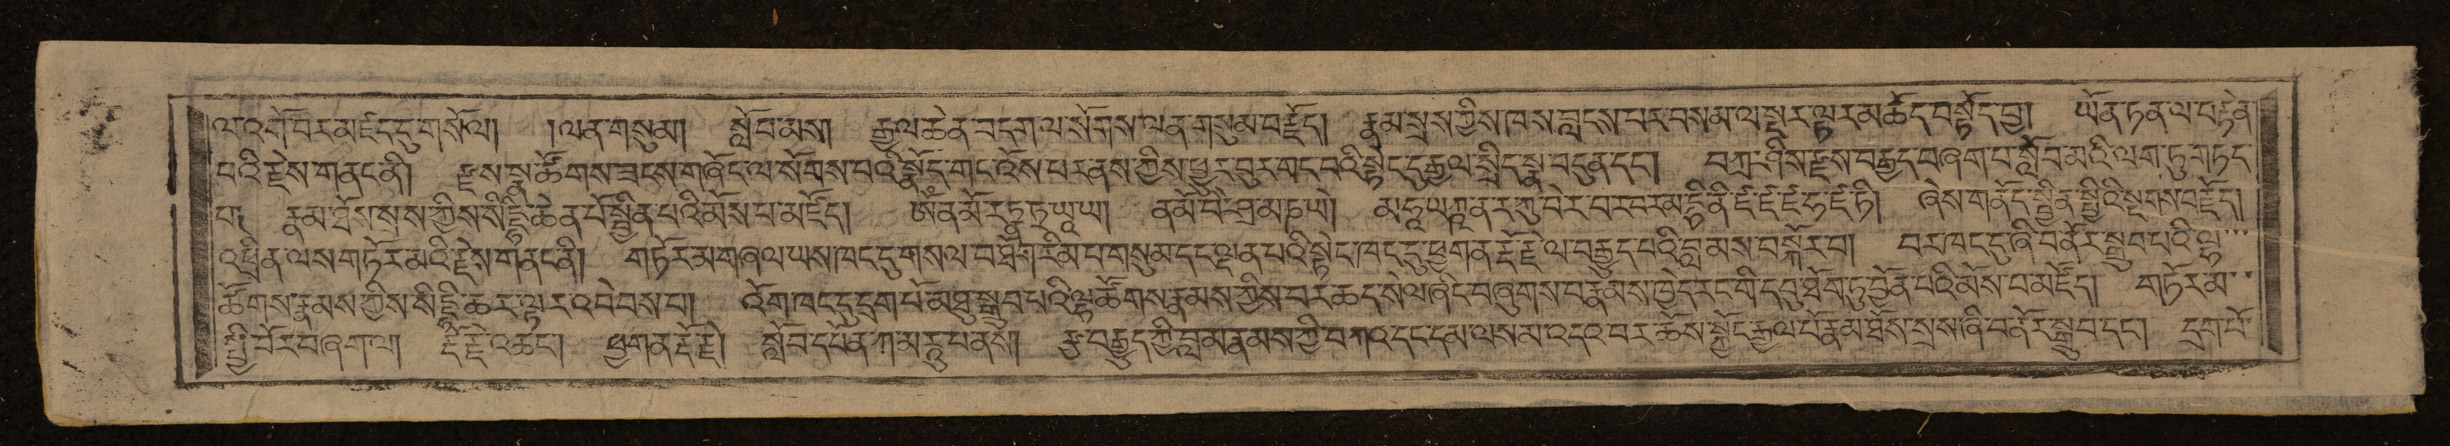ལ་འོག་བར་མཛད་དུ་གསོལ། །ལན་གསུམ། སློབ་མས། རྒྱལ་ཆེན་བདག་ལ་སོགས་ལན་གསུམ་བརྗོད། རྣམ་སྲས་ཀྱིས་ཁས་བླངས་པར་བསམ་ལ་སྔར་ལྟར་མཆོད་བསྟོད་བྱ། ཡོན་ཏན་ལ་བརྟེན་
པའི་རྗེས་གནང་ནི། རྫས་སྣ་ཚོགས་ཟངས་གཞོང་ལ་སོགས་པའི་སྣོད་གང་འོས་པར་ནས་ཀྱིས་ཕྱུར་བུར་གང་བའི་སྟེང་དུ་རྒྱལ་སྲིད་སྣ་བདུན་དང་། བཀྲ་ཤིས་རྫས་བརྒྱད་བཞག་པ་སློབ་མའི་ལག་ཏུ་གཏང་
པ༑ རྣམ་ཐོས་སྲས་ཀྱིས་སིདྡྷི་ཆེན་པོ་སྦྱིན་པའི་མོས་པ་མཛོད། ཨོཾ་ན་མོ་རཏྣ་ཏྲ་ཡཱ་ཡ། ན་མོ་བཻ་ཤྲ་མ་ཎ་ཡེ། མཧཱ་ཡཀྵ་ན་ར་ཀུ་བེ་ར་བར་བར་མ་དྷི་ནི་ཛ་ཛ་ཛ་ཧ་ཛ་ཏི། ཞེས་གནོད་སྦྱིན་སྤྱིའི་སྔགས་བརྗོད།
འཕྲིན་ལས་གཏོར་མའི་རྗེས་གནང་ནི། གཏོར་མ་གཞལ་ཡས་ཁང་དུ་གསལ་བ་ཐོག་རིམ་པ་གསུམ་དང་ལྡན་པའི་སྟེང་ཁང་དུ་ཕྱག་ན་རྡོ་རྗེ་ལ་བརྒྱུད་པའི་བླ་མས་བསྐོར་བ། བར་ཁང་དུ་ཞི་བ་ནོར་སྒྲུབ་པའི་ལྷ་
ཚོགས་རྣམས་ཀྱིས་སིདྡྷི་ཆར་ལྟར་འབེབས་པ། འོག་ཁང་དུ་དྲག་པོ་མཐུ་སྒྲུབ་པའི་ལྷ་ཚོགས་རྣམས་ཀྱིས་བར་ཆད་སེལ་ཞིང་བཞུགས་བ་རྣམས་ཁྱེད་རང་གི་དབུ་ཐོག་ཏུ་བྱོན་པའི་མོས་པ་མཛོད། གཏོར་མ་
སྤྱི་བོར་བཞག་ལ། རྡོ་རྗེ་འཆང་། ཕྱག་ན་རྡོ་རྗེ། སློབ་དཔོན་ཀ་མ་རཱུ་པ་ནས། རྩ་བརྒྱུད་ཀྱི་བླ་མ་རྣམས་ཀྱི་བཀའ་དང་དམ་ལས་མ་འདའ་བར་ཆོས་སྐྱོང་རྒྱལ་པོ་རྣམ་ཐོས་སྲས་ཞི་བ་ནོར་སྒྲུབ་དང་། དྲག་པོ་